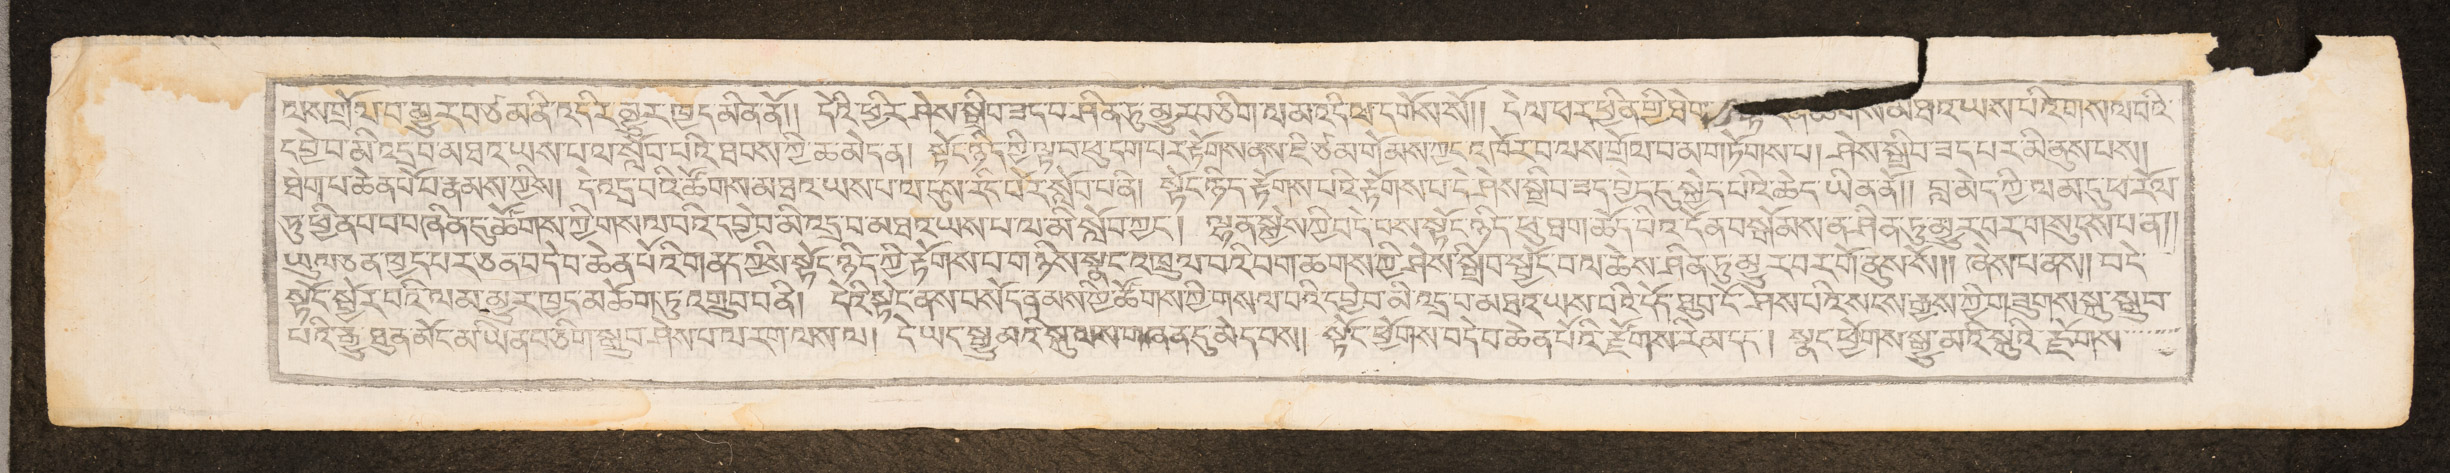ལས་གྲོལ་བ་མྱུར་བ་ཙམ་ནི་འདིར་མྱུར་ཁྱད་མིན་ནོ།། དེའི་ཕྱིར་ཤེས་སྒྲིབ་ཟད་པ་ཤིན་ཏུ་མྱུར་བ་ཅིག་ལམ་འདི་ལ་དགོས་སོ།། དེ་ལ་ཕར་ཕྱིན་གྱི་ཐེག་པ་ལྟར་ན་ཚོགས་མཐའ་ཡས་པའི་གསལ་བའི་
དབྱེ་བ་མི་འདྲ་བ་མཐའ་ཡས་པ་ལ་སློབ་པའི་ཐབས་ཀྱི་ཆ་མེད་ན། སྟོང་ཉིད་ཀྱི་ལྟ་བ་ཕུ་དག་པར་རྟོགས་ནས་ཇི་ཙམ་གོམས་ཀྱང་འཁོར་བ་ལས་གྲོལ་བ་མ་གཏོགས་པ། ཤེས་སྒྲིབ་ཟད་པར་མི་ནུས་པས།
ཐེག་པ་ཆེན་པོ་བ་རྣམས་ཀྱིས། དེ་འདྲ་བའི་ཚོགས་མཐའ་ཡས་པ་ལ་དུས་རིང་པོར་སློབ་པ་ནི། སྟོང་ཉིད་རྟོགས་པའི་རྟོགས་པ་དེ་ཤེས་སྒྲིབ་ཟད་བྱེད་དུ་སྐྱེད་པའི་ཆེད་ཡིན་ནོ།། བླ་མེད་ཀྱི་ལམ་དུ་ཕ་རོལ་
ཏུ་ཕྱིན་པ་བ་བཞིན་དུ་ཚོགས་ཀྱི་གསལ་བའི་དབྱེ་བ་མི་འདྲ་བ་མཐའ་ཡས་པ་ལ་མི་སློབ་ཀྱང་། ལྷན་སྐྱེས་ཀྱི་བདེ་བས་སྟོང་ཉིད་ཕུ་ཐག་ཆོད་པའི་དོན་བསྒོམས་ན་ཤིན་ཏུ་མྱུར་བར་གསུངས་པ་ན།།
ཡུལ་ཅན་ཁྱད་པར་ཅན་བདེ་བ་ཆེན་པོའི་གནད་ཀྱིས་སྟོང་ཉིད་ཀྱི་རྟོགས་པ་གཉིས་སྣང་འཁྲུལ་པའི་བག་ཆགས་ཀྱི་ཤེས་སྒྲིབ་སྦྱོང་བ་ལ་ཆེས་ཤིན་ཏུ་མྱུར་བར་གོ་ནུས་སོ།། ཞེས་པ་ནས། བདེ་
སྟོང་སྦྱོར་བའི་ལམ་མྱུར་ཁྱད་མཆོག་ཏུ་འགྲུབ་པ་ནི། དེའི་སྟེང་ནས་བསོད་ནམས་ཀྱི་ཚོགས་ཀྱི་གསལ་བའི་དབྱེ་བ་མི་འདྲ་བ་མཐའ་ཡས་པའི་དོད་ཐུབ་ངོ་ཤེས་པའི་སངས་རྒྱས་ཀྱི་གཟུགས་སྐུ་སྒྲུབ་
པའི་རྒྱུ་ཐུན་མོང་མ་ཡིན་པ་ཅིག་སྒྲུབ་ཤེས་པ་ལ་རག་ལས་ལ། དེ་ཡང་སྒྱུ་མའི་སྐུ་ལས་གཞན་དུ་མེད་པས། སྟོང་ཕྱོགས་བདེ་བ་ཆེན་པོའི་རྫོགས་རིམ་དང་། སྣང་ཕྱོགས་སྒྱུ་མའི་སྐུའི་རྯོགས་